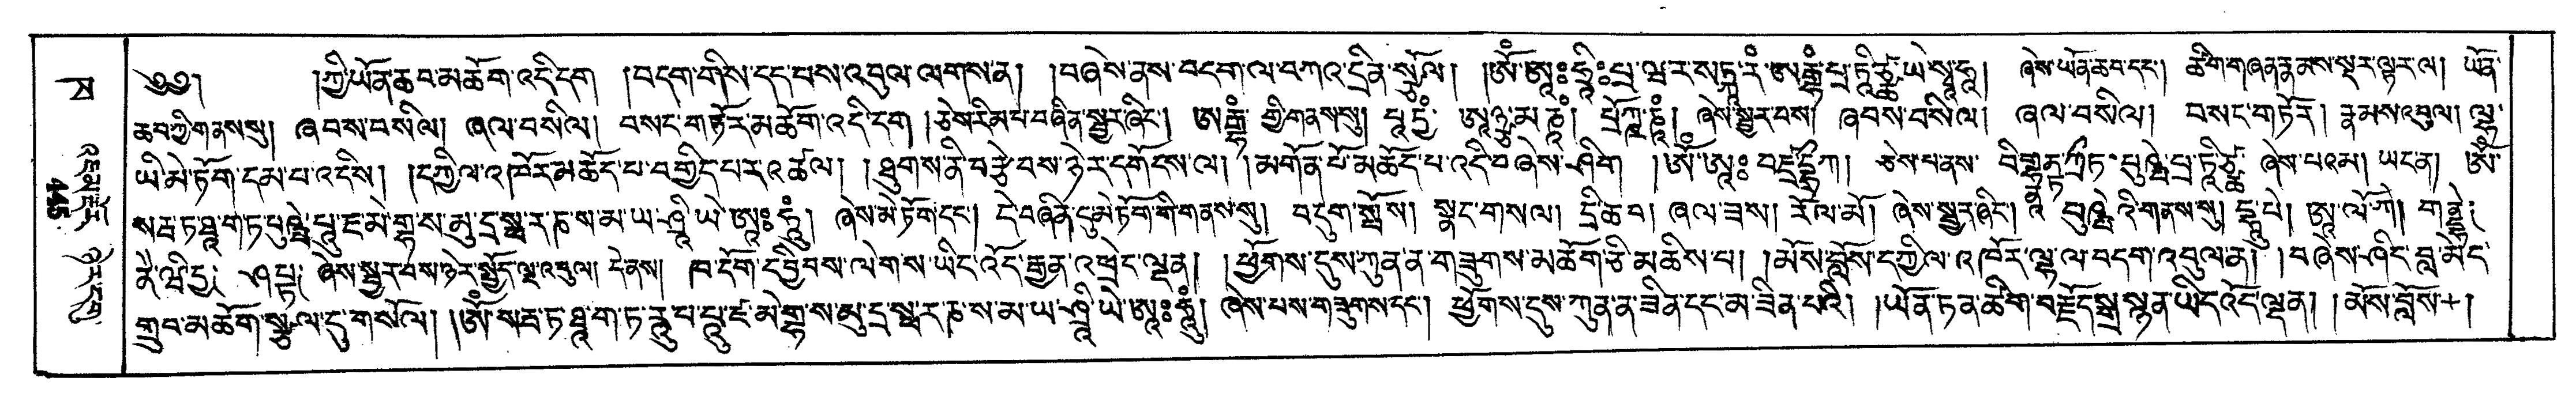༄༅། །ཀྱི་ཡོན་ཆབ་མཆོག་འདི་དག །བདག་གིས་དད་པས་འབུལ་ལགས་ན། །བཞེས་ནས་བདག་ལ་བཀའ་དྲིན་སྩོལ། །ཨོཾ་ཨཱཿ ཧྲཱིཿ པྲ་ཝ་ར་སཏྐཱ་རཾ་ཨརྒྷཾ་པྲ་ཏཱིཙྪ་ཡེ་སྭཱ་ཧཱ། ཞེས་ཡོན་ཆབ་དང་། ཚིག་གཞན་རྣམས་སྔར་ལྟར་ལ། ཡོན་
ཆབ་ཀྱི་གནས་སུ། ཞབས་བསིལ། ཞལ་བསིལ། བསང་གཏོར་མཆོག་འདི་དག །ཅེས་རིམ་པ་བཞིན་སྦྱར་ཞིང་། ཨརྒྷཾ་གྱི་གནས་སུ། པཱ་དྱཾ༑ ཨཱཉྩ་མ་ཎཱཾ། པྲོཀྵ་ཎཱཾ། ཞེས་སྦྱར་བས། ཞབས་བསིལ། ཞལ་བསིལ། བསང་གཏོར། རྣམས་འབུལ། ལྷ་
ཡི་མེ་ཏོག་དམ་པ་འདིས། །དཀྱིལ་འཁོར་མཆོད་པ་བགྱིད་པར་འཚལ། །ཐུགས་ནི་བརྩེ་བས་ཉེར་དགོངས་ལ། །མགོན་པོ་མཆོད་པ་འདི་བཞེས་ཤིག །ཨོཾ་ཨཱཿ བཛྲ་དྷྲྀཀ། ཅེས་པ་ནས། བིགྷྣཱནྟ་ཀྲྀཏ་པུཥྤེ་པྲ་ཏཱིཙྪ་ཞེས་པའམ། ཡང་ན། ཨོཾ་
སརྦ་ཏ་ཐཱ་ག་ཏ་པུཥྤེ་པཱུ་ཛ་མེ་གྷ་ས་མུ་དྲ་སྥ་ར་ཎ་ས་མ་ཡ་ཤྲཱི་ཡེ་ཨཱཿ ཧཱུཾ། ཞེས་མེ་ཏོག་དང་། དེ་བཞིན་དུ་མེ་ཏོག་གི་གནས་སུ། བདུག་སྤོས། སྣང་གསལ། དྲི་ཆབ། ཞལ་ཟས། རོལ་མོ། ཞེས་སྦྱར་ཞིང་། པུཥྤེའི་གནས་སུ། དྷཱུ་པེ༑ ཨཱ་ལོ་ཀེ༑ གནྡྷེ༑
ནཻ་ཝཱི་དྱ༑ ཤཔྟ༑ ཞེས་སྦྱར་བས་ཉེར་སྤྱོད་ལྔ་འབུལ། དེ་ནས། ཁ་དོག་དབྱིབས་ལེགས་ཡིད་འོང་རྒྱན་འཕྲེང་ལྡན། །ཕྱོགས་དུས་ཀུན་ན་གཟུགས་མཆོག་ཅི་མཆིས་པ། །མོས་བློས་དཀྱིལ་འཁོར་ལྷ་ལ་བདག་འབུལ་ན། །བཞེས་ཤིང་བླ་མེད་
གྲུབ་མཆོག་སྩལ་དུ་གསོལ། །ཨོཾ་སརྦ་ཏ་ཐཱ་ག་ཏ་རཱུ་པ་པཱུ་ཛ་མེགྷ་ས་མུ་དྲ་སྥ་ར་ཎ་ས་མ་ཡ་ཤྲི་ཡེ་ཨཱཿ ཧཱུཾ། ཞེས་པས་གཟུགས་དང་། ཕྱོགས་དུས་ཀུན་ན་ཟིན་དང་མ་ཟིན་པའི། །ཡོན་ཏན་ཚིག་བརྗོད་སྒྲ་སྙན་ཡིད་འོང་ལྡན། །མོས་བློས་+།